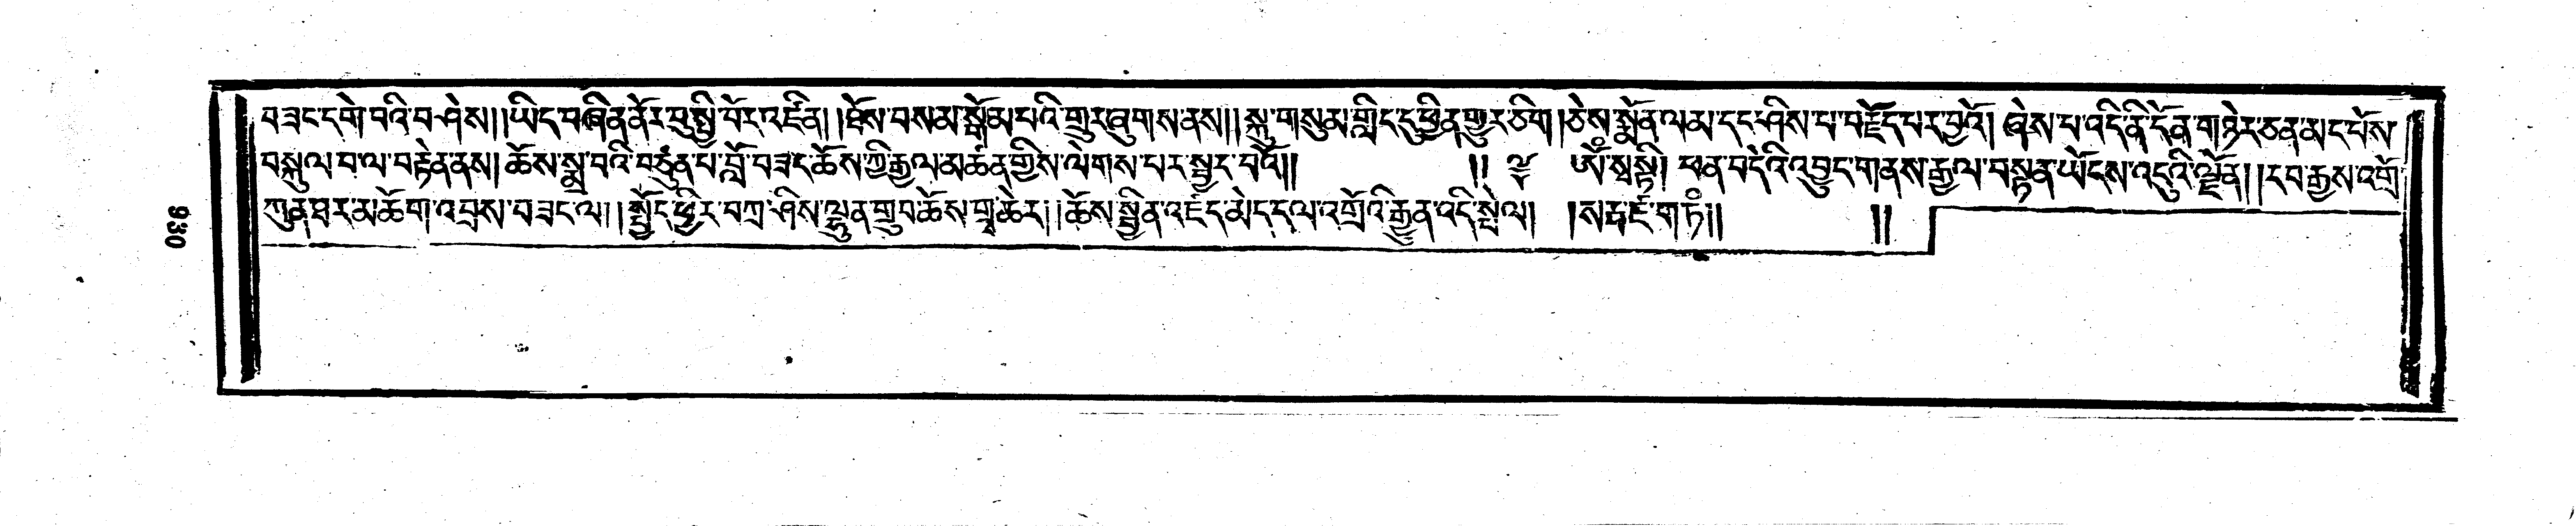བཟང་དགེ་བའི་བཤེས། །ཡིད་བཞིན་ནོར་བུ་སྤྱི་བོར་འཛིན། །ཐོས་བསམ་སྒོམ་པའི་གྲུར་ཞུགས་ནས། །སྐུ་གསུམ་གླིང་དུ་ཕྱིན་གྱུར་ཅིག །ཅེས་སྨོན་ལམ་དང་ཤིས་པ་བརྗོད་པར་བྱའོ། ཞེས་པ་འདི་ནི་དོན་གཉེར་ཅན་མང་པོས་
བསྐུལ་བ་ལ་བརྟེན་ནས། ཆོས་སྨྲ་བའི་བཙུན་པ་བློ་བཟང་ཆོས་ཀྱི་རྒྱལ་མཚན་གྱིས་ལེགས་པར་སྦྱར་བའོ།། །། ༈ ཨོཾ་སྭསྟི། ཕན་བདེའི་འབྱུང་གནས་རྒྱལ་བསྟན་ཡོངས་འདུའི་ལྗོན། །རབ་རྒྱས་འགྲོ་
ཀུན་ཐར་མཆོག་འབྲས་བཟང་ལ། །སྤྱོད་ཕྱིར་བཀྲ་ཤིས་ལྷུན་གྲུབ་ཆོས་གྲྭ་ཆེར། །ཆོས་སྦྱིན་འཛད་མེད་དལ་འགྲོའི་རྒྱུན་འདི་སྤེལ། །སརྦ་ཛ་ག་ཏཾ།། །།